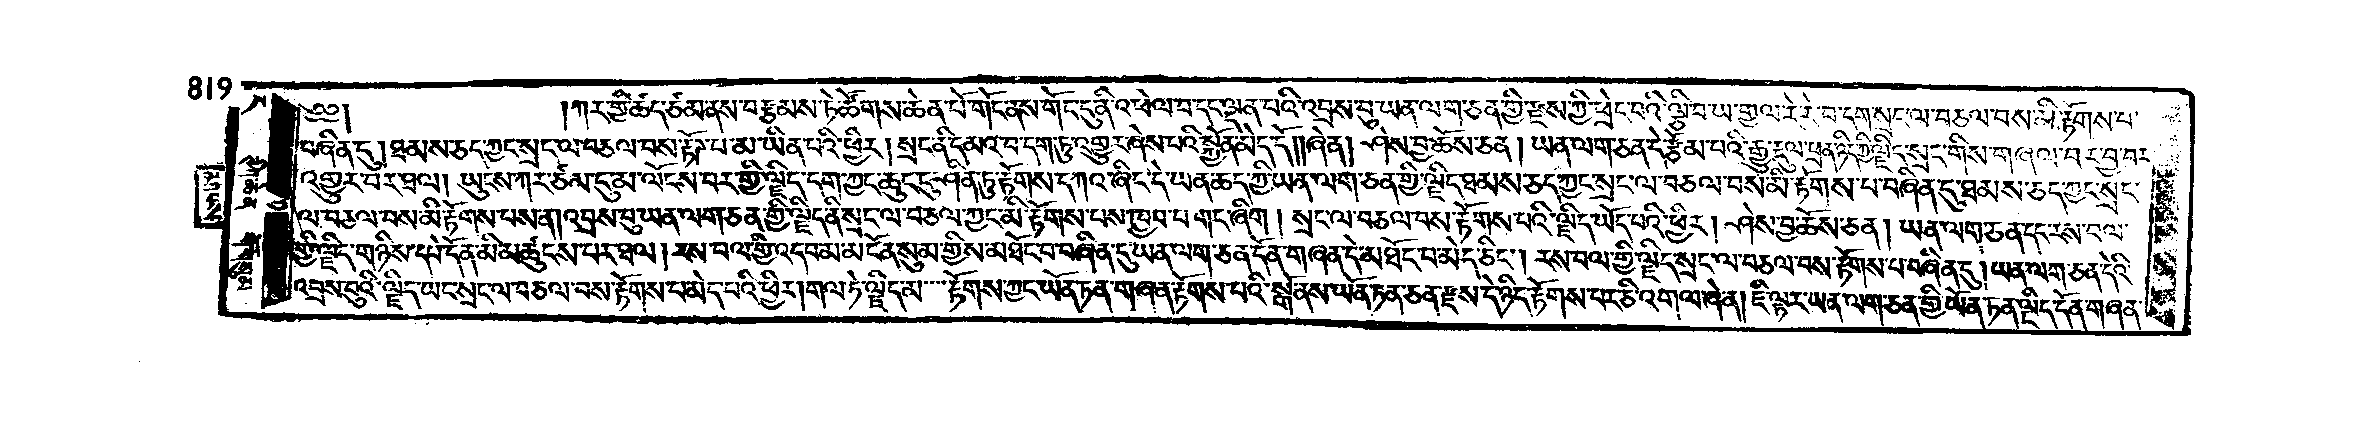༄༅། །ཀར་གྱི་ཚད་ཙམ་ནས་བརྩམས་ཏེ་ཚོགས་ཆེན་པོ་གོང་ནས་གོང་དུ་ནི་འཕེལ་བ་དང་ལྡན་པའི་འབྲས་བུ་ཡན་ལག་ཅན་གྱི་རྫས་ཀྱི་ཕྲེང་བའི་ལྕི་བ་ཡ་གྱལ་རེ་རེ་བ་དག་སྲང་ལ་བཅལ་བས་མི་རྟོགས་པ་
བཞིན་དུ། ཐམས་ཅད་ཀྱང་སྲང་ལ་བཅལ་བས་རྟོགས་པ་མ་ཡིན་པའི་ཕྱིར། སྲང་ནི་དམའ་བ་དག་ཏུ་འགྱུར་ཞེས་པའི་སྐྱོན་མེད་དོ། །ཞེ་ན། ཤེས་བྱ་ཆོས་ཅན། ཡན་ལག་ཅན་དེ་རྩོམ་པའི་རྒྱུ་རྡུལ་ཕྲན་ཉིད་ཀྱི་ལྗིད་སྲང་གིས་གཞལ་བར་བྱ་བར་
འགྱུར་བར་ཐལ། ཡུངས་ཀར་ཙམ་དུ་མ་ལོངས་པར་གྱི་ལྗིད་དག་ཀྱང་ཆུང་ངུ་ཤིན་ཏུ་རྟོགས་དཀའ་ཞིང་དེ་ཡན་ཆད་ཀྱི་ཡན་ལག་ཅན་གྱི་ལྗིད་ཐམས་ཅད་ཀྱང་སྲང་ལ་བཅལ་བས་མི་རྟོགས་པ་བཞིན་དུ་ཐམས་ཅད་ཀྱང་སྲང་
ལ་བཅལ་བས་མི་རྟོགས་པས་ན། འབྲས་བུ་ཡན་ལག་ཅན་གྱི་ལྗིད་ནི་སྲང་ལ་བཅལ་ཀྱང་མི་རྟོགས་པས་ཁྱབ་པ་གང་ཞིག །སྲང་ལ་བཅལ་བས་རྟོགས་པའི་ལྗིད་ཡོད་པའི་ཕྱིར། ཤེས་བྱ་ཆོས་ཅན། ཡན་ལག་ཅན་དང་རས་བལ་
གྱི་ལྗིད་གཉིས་དཔེ་དོན་མི་མཚུངས་པར་ཐལ། རས་བལ་གྱི་འདབ་མ་མངོན་སུམ་གྱིས་མཐོང་བ་བཞིན་དུ་ཡན་ལག་ཅན་དོན་གཞན་དེ་མཐོང་བ་མེད་ཅིང་། རས་བལ་གྱི་ལྗིད་སྲང་ལ་བཅལ་བས་རྟོགས་པ་བཞིན་དུ། ཡན་ལག་ཅན་དེའི་
འབྲས་བུའི་ལྗིད་ཡང་སྲང་ལ་བཅལ་བས་རྟོགས་པ་མེད་པའི་ཕྱིར། གལ་ཏེ་ལྗིད་མ་རྟོགས་ཀྱང་ཡོན་ཏན་གཞན་རྟོགས་པའི་སྒོ་ནས་ཡོན་ཏན་ཅན་རྫས་དེ་ཉིད་རྟོགས་པར་ཅི་འགལ་ཞེ་ན། ཇི་ལྟར་ཡན་ལག་ཅན་གྱི་ཡོན་ཏན་ལྗིད་དོན་གཞན་